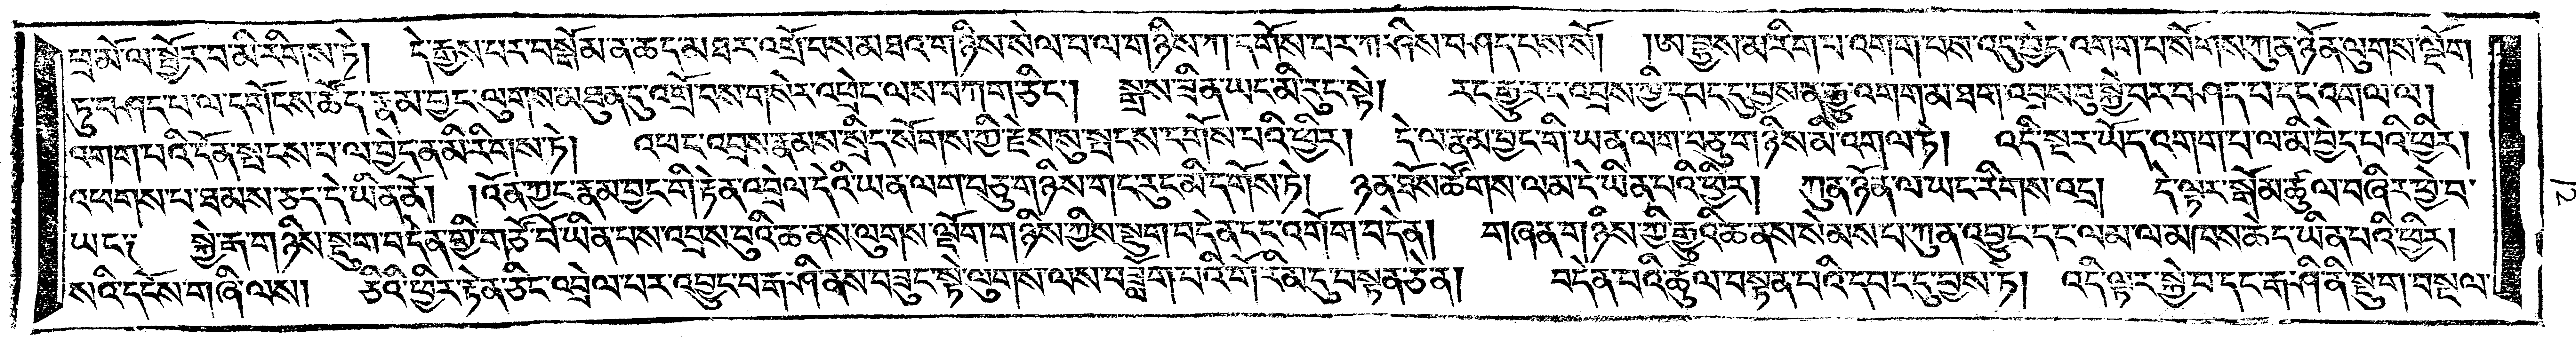ཕྲ་མོ་ལ་སྦྱོར་བ་མི་རིགས་ཏེ། དེ་རྒྱས་བར་བསྒོམ་ན་ཆད་མཐར་འགྲོ་བས་མཐའ་གཉིས་སེལ་བ་ལ་གཉིས་ཀ་དགོས་པར་ཀ་ཤིས་བཤད་པས་སོ། །ཨ་བྷྱས་མ་རིག་པ་འགག་པས་འདུ་བྱེད་འགག་པ་སོགས་ཀུན་ཉོན་ལུགས་ལྡོག་
ཏུ་བཤད་པ་ལ་དགོངས་ཚོད་རྣམ་བྱང་ལུགས་མཐུན་དུ་འགྲོ་བས་གསེར་འཕྲེང་ལས་བཀག་ཅིང་། སྒྲས་ཟིན་ཡང་མི་རུང་སྟེ། རང་རྒྱུ་རང་འབྲས་ཀྱི་དབང་དུ་བྱས་ན་རྒྱུ་འགག་མ་ཐག་འབྲས་བུ་སྐྱེ་བར་བཤད་པ་དང་འགལ་ལ།
འགྲག་པའི་དོན་སྤངས་བ་ལ་བྱེད་ན་མི་རིགས་ཏེ། འཕང་འབྲས་རྣམས་སྲིད་སོགས་ཀྱི་རྗེས་སུ་སྤངས་དགོས་པའི་ཕྱིར། དེ་ལ་རྣམ་བྱང་གི་ཡན་ལག་བཅུ་གཉིས་མི་འགལ་ཏེ། འདི་སྔར་ཡོད་འགག་པ་ལ་མི་བྱེད་པའི་ཕྱིར།
འཕགས་པ་ཐམས་ཅད་དེ་ཡིན་ནོ། །འོན་ཀྱང་རྣམ་བྱང་གི་རྟེན་འབྲེལ་དེའི་ཡན་ལག་བཅུ་གཉིས་གང་རུང་མི་དགོས་ཏེ། ཉན་ཐོས་ཚོགས་ལམ་དེ་ཡིན་པའི་ཕྱིར། ཀུན་ཉོན་ལ་ཡང་རིགས་འདྲ། དེ་ལྟར་སྒོམ་ཚུལ་བཞིར་ཕྱེ་བ་
ཡང༑ སྐྱེ་རྒ་གཉིས་སྡུག་བདེན་གྱི་གཙོ་བོ་ཡིན་པས་འབྲས་བུའི་ཆ་ནས་ལུགས་ལྡོག་གཉིས་ཀྱིས་སྡུག་བདེན་དང་འགོག་བདེན། གཞན་གཉིས་ཀྱི་རྒྱུའི་ཆ་ནས་སེམས་པ་ཀུན་འབྱུང་དང་ལམ་ལ་མཁས་ཆེད་ཡིན་པའི་ཕྱིར།
སའི་དངོས་གཞི་ལས། ཅིའི་ཕྱིར་རྟེན་ཅིང་འབྲེལ་པར་འབྱུང་བརྒ་ཤི་ནས་བཟུང་སྟེ་ལུགས་ལས་བཟློག་པའི་གོ་རིམ་དུ་བསྟན་ཅེ་ན། བདེན་པའི་ཚུལ་བསྟན་པའི་དབང་དུ་བྱས་ཏེ། འདི་ལྟར་སྐྱེ་བ་དང་རྒ་ཤི་ནི་སྡུག་བསྔལ་